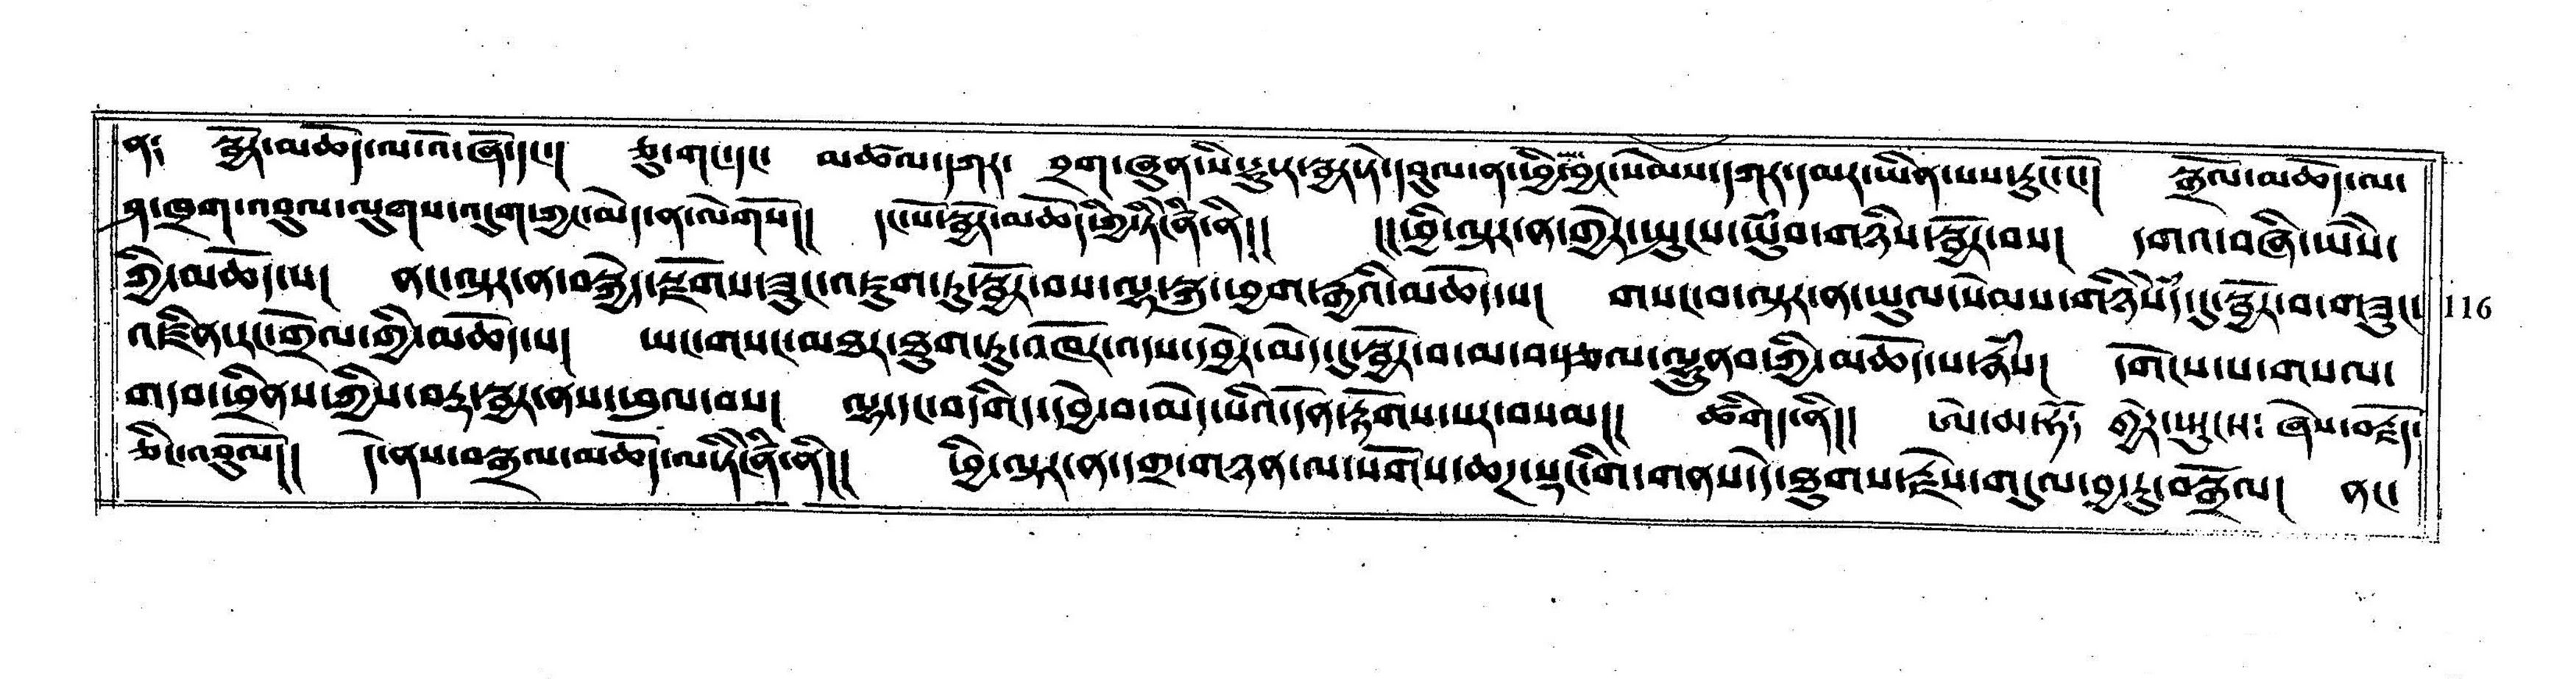ན། སྦྱོར་མཆོད་ལ་འོ་ཞོ་དང་། ཅུ་གང་དང་མཚལ་དཀར་བྲག་ཞུན་སི་དྷུ་ར་སྦྱར་ཏེ་དབུལ་ན་ཕྱི་ཡི་བྱང་སེམས་དཀར་དམར་ཡིན་པས་རུང་ངོ་། སྒྲོལ་མཆོད་ལ་
ཤ་ཁྲག་འབུལ་ལུགས་འདུག་ཀྱང་མེད་ན་ལེགས་སོ།། དང་པོ་སྦྱོར་མཆོད་ཀྱི་ཏིང་ངེ་འཛིན་ནི།། །།ཕྱི་ལྟར་ན་གྱེར་སྤུངས་ཡབ་ཡུམ་གཉིས་སྦྱོར་བས། དགའ་བཞི་ཡེ་ཤེས་
ཀྱི་མཆོད་པ། ནང་ལྟར་ན་བསྐྱེད་རྫོགས་ཟུང་འཇུག་ཏུ་སྦྱོར་བས་ལྷ་སྐུ་ཕྱག་རྒྱའི་མཆོད་པ། གསང་བ་ལྟར་ན་ཡུལ་སེམས་གཉིས་མེད་དུ་སྦྱོར་བ་གཟུང་
འཛིན་རང་གྲོལ་གྱི་མཆོད་པ། ཡང་གསང་མཐར་ཐུག་ཏུ་འཁོར་འདས་དབྱེར་མེད་དུ་སྦྱོར་བ་མ་བསྩལ་ལྷུན་གྲུབ་ཀྱི་མཆོད་པ་རྣམས། དགོངས་པ་གསལ་
གདབ་ཕྲིན་ལས་ཀྱིས་བརྡ་སྦྱར་ནས་ཕུལ་བས། ལྷ་དང་བདག་ཉིད་དབྱེ་བ་མེད་པའི་དོན་རྟོགས་པར་བསམ།། ཚིག་བཤད་ནི།། ཨེ་མ་ཧོ གྱེར་སྤུངས༴ ཞེས་བརྗོད་
ཅིང་འབུལ་ལོ།། དེ་ནས་བསྒྲལ་མཆོད་ལ་ཏིང་ངེ་འཛིན་ནི།། ཕྱི་ལྟར་ན་དགྲ་གཉན་ལ་སོགས་ཆགས་སྡང་གི་གནས་དེ་ཐུགས་རྗེས་གདུལ་བྱ་རུ་བསྒྲོལ། ནང་